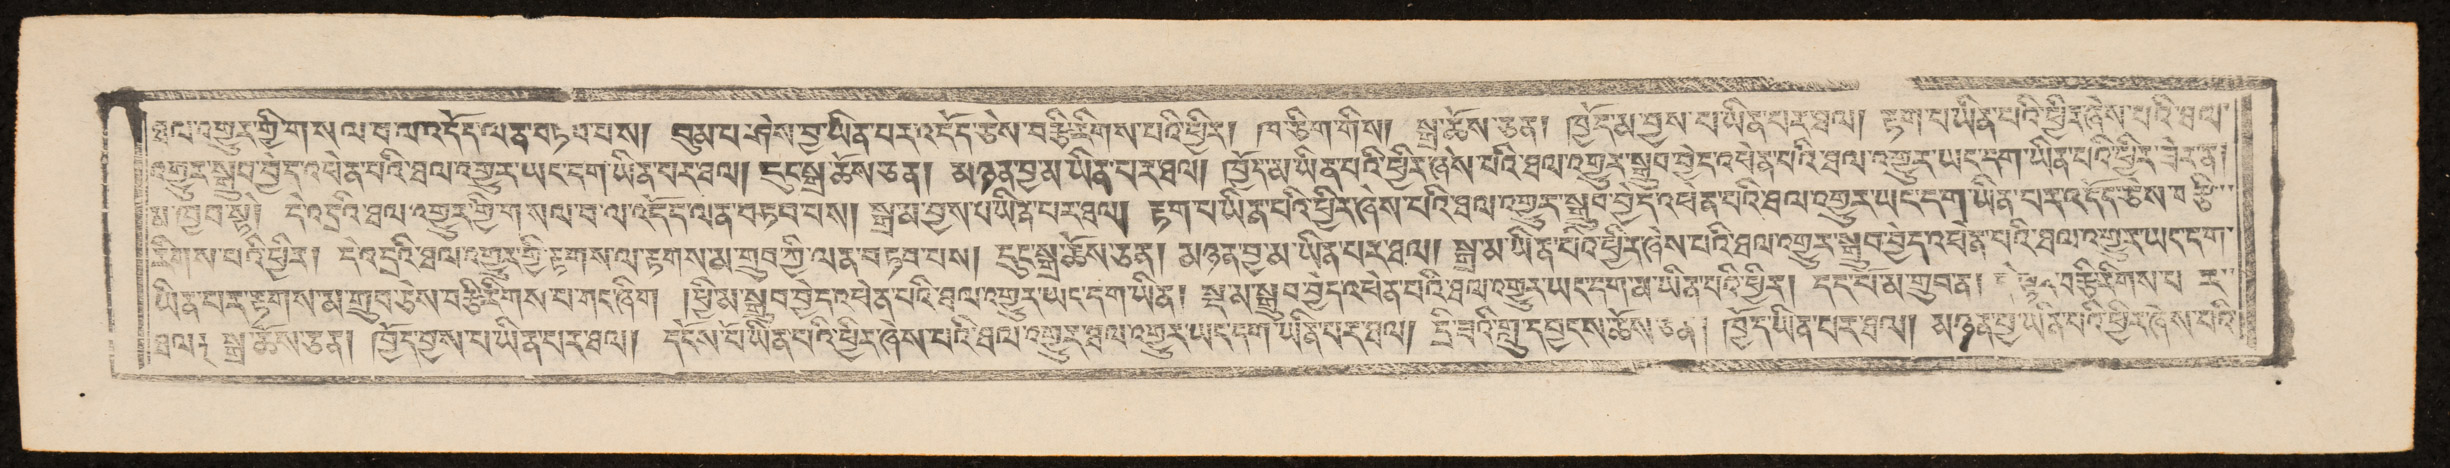ཐལ་འགྱུར་གྱི་གསལ་བ་ལ་འདོད་ལན་བཏབ་པས། བུམ་པ་ཤེས་བྱ་ཡིན་པར་འདོད་ཅེས་བརྩི་རིགས་པའི་ཕྱིར། ཁ་ཅིག་གིས། སྒྲ་ཆོས་ཅན། ཁྱོད་མ་བྱས་པ་ཡིན་པར་ཐལ། རྟག་པ་ཡིན་པའི་ཕྱིར་ཞེས་པའི་ཐལ་
འགྱུར་སྒྲུབ་བྱེད་འཕེན་པའི་ཐལ་འགྱུར་ཡང་དག་ཡིན་པར་ཐལ། དུང་སྒྲ་ཆོས་ཅན། མཉན་བྱ་མ་ཡིན་པར་ཐལ། ཁྱོད་མ་ཡིན་པའི་ཕྱིར་ཞེས་པའི་ཐལ་འགྱུར་སྒྲུབ་བྱེད་འཕེན་པའི་ཐལ་འགྱུར་ཡང་དག་ཡིན་པའི་ཕྱིར་ཟེར་ན།
མ་ཁྱབ་སྟེ། དེ་འདྲའི་ཐལ་འགྱུར་གྱི་གསལ་བ་ལ་འདོད་ལན་བཏབས་པས། སྒྲ་མ་བྱས་པ་ཡིན་པར་ཐལ། རྟག་པ་ཡིན་པའི་ཕྱིར་ཞེས་པའི་ཐལ་འགྱུར་སྒྲུབ་བྱེད་འཕེན་པའི་ཐལ་འགྱུར་ཡང་དག་ཡིན་པར་འདོད་ཅེས་བརྩི་
རིགས་པའི་ཕྱིར། དེ་འདྲའི་ཐལ་འགྱུར་གྱི་རྟགས་ལ་རྟགས་མ་གྲུབ་ཀྱི་ལན་བཏབ་པས། དུང་སྒྲ་ཆོས་ཅན། མཉན་བྱ་མ་ཡིན་པར་ཐལ། སྒྲ་མ་ཡིན་པའི་ཕྱིར་ཞེས་པའི་ཐལ་འགྱུར་སྒྲུབ་བྱེད་འཕེན་པའི་ཐལ་འགྱུར་ཡང་དག་
ཡིན་པར་རྟགས་མ་གྲུབ་ཅེས་བརྩི་རིགས་པ་གང་ཞིག །ཕྱི་མ་སྒྲུབ་བྱེད་འཕེན་པའི་ཐལ་འགྱུར་ཡང་དག་ཡིན། སྔ་མ་སྒྲུབ་བྱེད་འཕེན་པའི་ཐལ་འགྱུར་ཡང་དག་མ་ཡིན་པའི་ཕྱིར། དང་པོ་མ་གྲུབ་ན། དེ་ལྟར་བརྩི་རིགས་པར་
ཐལ། སྒྲ་ཆོས་ཅན། ཁྱོད་བྱས་པ་ཡིན་པར་ཐལ། དངོས་པོ་ཡིན་པའི་ཕྱིར་ཞེས་པའི་ཐལ་འགྱུར་ཐལ་འགྱུར་ཡང་དག་ཡིན་པར་ཐལ། དྲི་ཟའི་གླུ་དབྱངས་ཆོས་ཅན། ཁྱོད་ཡིན་པར་ཐལ། མཉན་བྱ་ཡིན་པའི་ཕྱིར་ཞེས་པའི་